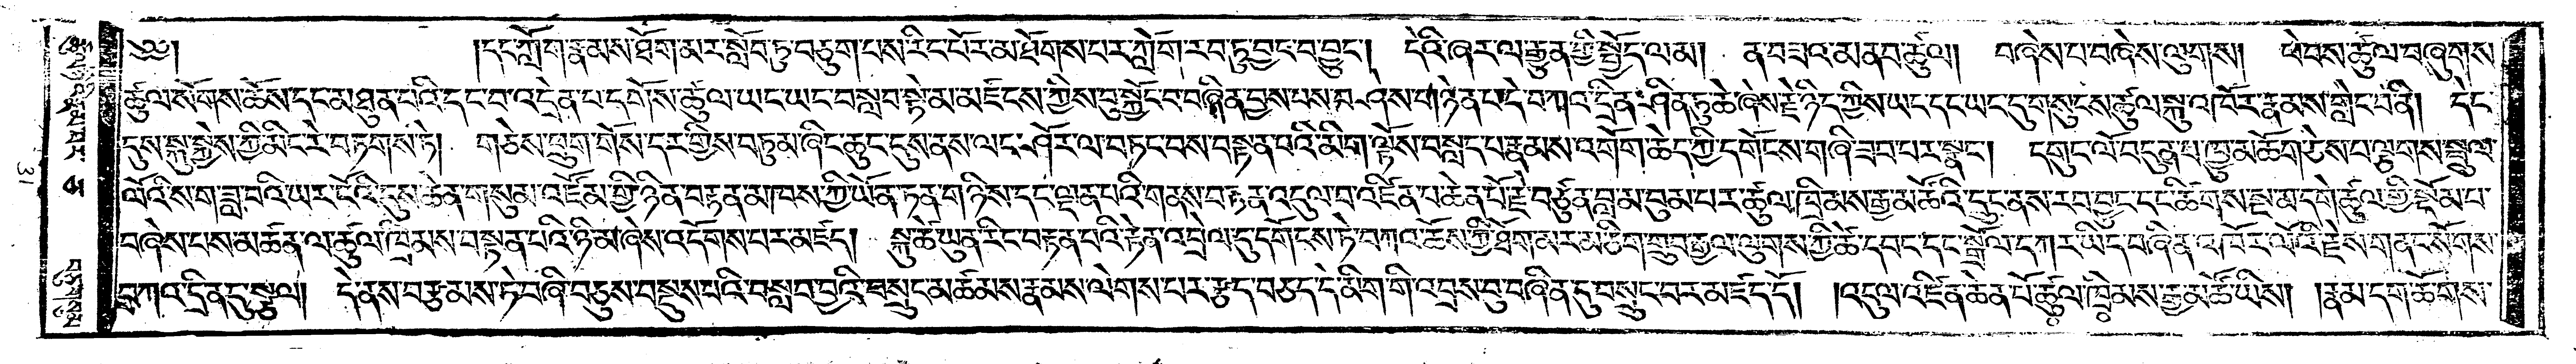༄༅། །དང་ཀློག་རྣམས་ཐོག་མར་སློབ་ཏུ་བཅུག་པས་རིང་པོར་མཐོགས་པར་ཀློག་རབ་ཏུ་བྱང་བ་བྱུང་། དེའི་ཞར་ལ་རྒྱུན་གྱི་སྤྱོད་ལམ། ན་བཟའ་མནབ་ཚུལ། བཞེས་པ་བཞེས་ལུགས། ཕེབས་ཚུལ་བཞུགས་
ཚུལ་སོགས་ཆོས་དང་མཐུན་བའི་དང་བ་འདྲེན་པ་དགོས་ཚུལ་ཡང་ཡང་བསླབ་སྟེ་མ་མཛངས་ཀྱིས་བུ་སྐྱོང་བ་བཞིན་བྱས་པས་བཤེས་གཉེན་པ་དེ་བཀའ་དྲིན་ཤིན་ཏུ་ཆེ་ཞེས་རྗེ་ཉིད་ཀྱིས་ཡང་དང་ཡང་དུ་གསུངས་ཚུལ་སྐུ་འཁོར་རྣམས་གླེང་བ་ནི། དེང་
དུས་སྐུ་སྐྱེས་ཀྱི་མིང་རེ་བཏགས་ཏེ། གཅེས་ཕྲུག་གོས་དར་གྱིས་བཏུམ་ཞིང་ཆུང་དུས་ནས་ལང་ཤོར་ལ་བཏང་བས་བསྟན་པའི་མིག་ལྟོས་བསླད་པ་རྣམས་འགོག་ཆེད་ཀྱི་དགོངས་གཞི་ཟབ་པར་སྣང་། དགུང་ལོ་བདུན་པ་ཁྱུ་མཆོག་ཅེས་པ་ལྕགས་སྦུལ་
ལོའི་ས་ག་ཟླ་བའི་ཡར་ངོའི་དུས་ཆེན་གསུམ་འཛོམ་གྱི་ཉིན་བརྟན་མཁས་ཀྱི་ཡོན་ཏན་གཉིས་དང་ལྡན་པའི་གནས་བརྟན་འདུལ་བ་འཛིན་པ་ཆེན་པོ་རྗེ་བཙུན་བླ་མ་བུམ་པར་ཚུལ་ཁྲིམས་རྒྱ་མཚོའི་དྲུང་ནས་རབ་བྱུང་དང་ཚིགས་སྔ་མ་དགེ་ཚུལ་གྱི་སྡོམ་པ་
བཞེས་པས་མཚན་ལ་ཚུལ་ཁྲིམས་བསྟན་བའི་ཉི་མ་ཞེས་འདོགས་པར་མཛད། སྐུ་ཚེ་ཡུན་རིང་བརྟན་བའི་རྟེན་འབྲེལ་དུ་དགོངས་ཏེ་བཀའ་ཆོས་ཀྱི་ཐོག་མར་མ་ཅིག་གྲུབ་རྒྱལ་ལུགས་ཀྱི་ཚེ་དབང་དང་སྒྲོལ་དཀར་ཡིད་བཞིན་འཁོར་ལོའི་རྗེས་གནང་སོགས་
བཀའ་དྲིན་དུ་སྩལ། དེ་ནས་བརྩམས་ཏེ་བཞི་བཅུས་བསྡུས་བའི་བསླབ་བྱའི་བསྲུང་མཚམས་རྣམས་ལེགས་པར་རྩད་བཅད་དེ་མིག་གི་འབྲས་བུ་བཞིན་དུ་བསྲུང་བར་མཛད་དོ། །འདུལ་འཛིན་ཆེན་པོ་ཚུལ྾་ཁྲིམས྾་རྒྱ་མཚོ་ཡིས། །རྣམ་དག་ཆོགས་